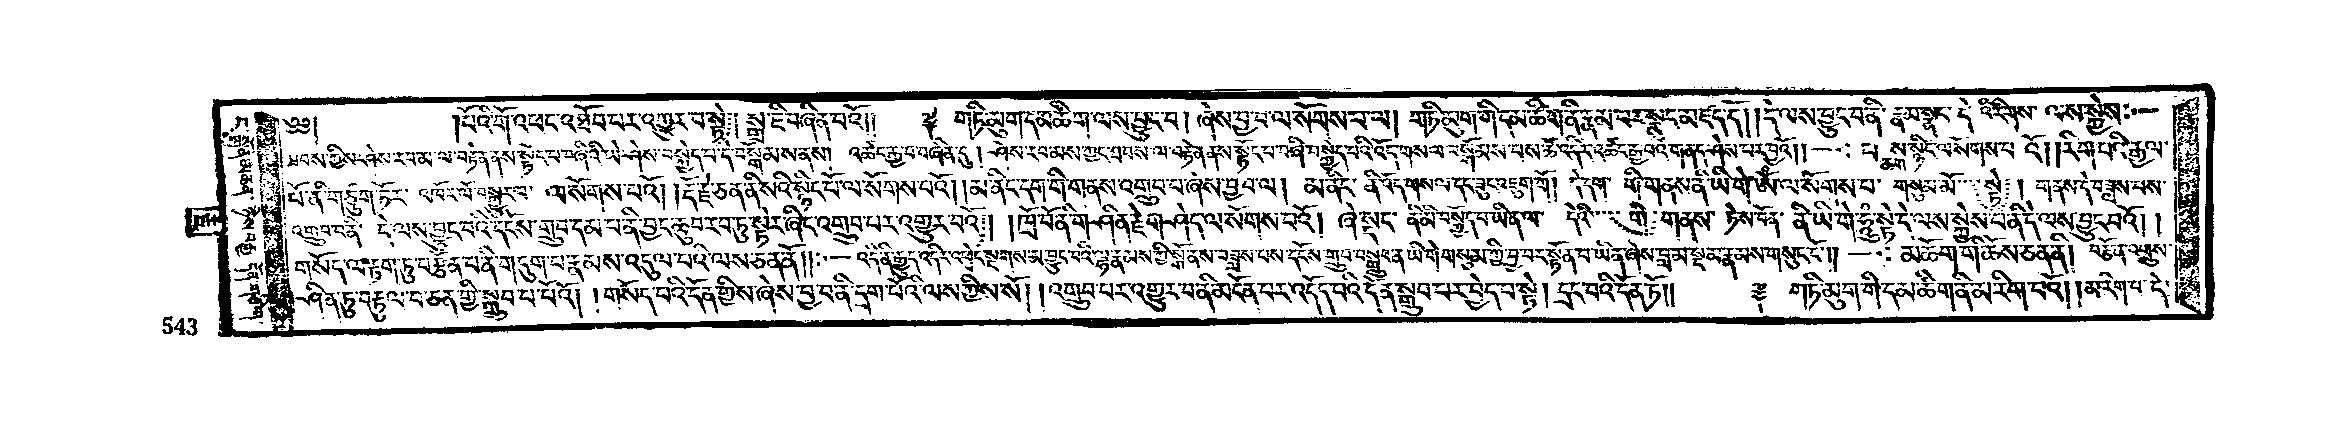༄༅། །པོའི་གོ་འཕང་འཐོབ་པར་འགྱུར་བ་སྟེ། སྒྲ་ཇི་བཞིན་པའོ།། ༈ གཏི་མུག་དམ་ཚིག་ལས་བྱུང་བ། ཞེས་བྱ་བ་ལ་སོགས་པ་ལ། གཏི་མུག་གི་དམ་ཚིག་ནི་རྣམ་པར་སྣང་མཛད་དོ། །དེ་ལས་བྱུང་བ་ནི་རྣམ་སྣང་དེའི་རིགས་ལས་སྐྱེསཿ
ཐབས་ཀྱིས་ཤེས་རབ་མ་ལ་བརྟེན་ནས་སྟོང་པ་བཞིའི་ཡེ་ཤེས་བསྐྱེད་པ་དེ་བསྒོམས་ནས། འཚང་རྒྱ་བ་བཞིན་དུ། ཤེས་རབ་མས་ཀྱང་ཐབས་ལ་བརྟེན་ནས་སྟོང་པ་བཞི་བསྐྱེད་པའི་འོད་གསལ་བསྒོམས་པས་ཚེ་འདིར་འཚང་རྒྱ་བའི་གནད་ཤེས་པར་བྱའོ།།  .Hཔས་སྙིང་ལ་སོགས་པའོ། །རིག་པའི་རྒྱལ་
པོ་ནི་གཙུག་ཏོར་འཁོར་ལོ་བསྒྱུར་བ་ལ་སོགས་པའོ། །རྡོ་རྗེ་ཅན་ནི་སའི་སྙིང་པོ་ལ་སོགས་པའོ། །མ་ནིང་དག་གི་གནས་འགྲུབ་པ་ཞེས་བྱ་བ་ལ། མ་ནིང་ནི་འོད་གསལ་དང་ཟུང་འཇུག་གོ །དེ་དག་གི་གནས་ནི་ཡི་གེ་ཨོཾ་ལ་སོགས་པ་གསུམ་མོ་སྟེ། གནས་དེ་བཟླས་པས་
འགྲུབ་པ་ནི་དེ་ལས་བྱུང་བའི་དངོས་གྲུབ་དམ་པ་ནི་བྱང་ཆུབ་རབ་ཏུ་སྟེར་ཞིང་འགྲུབ་པར་འགྱུར་བའོ། །ཁྲོ་བོ་ནི་གཤིན་རྗེ་གཤེད་ལ་སོགས་པའོ། ཞེ་སྡང་ནི་མི་བསྐྱོད་པ་ཡིན་ལ་དེའི་གི་གནས་ཏེ་ས་བོན་ནི་ཡི་གེ་ཧཱུཾ་སྟེ་དེ་ལས་སྐྱེས་པ་ནི་དེ་ལས་བྱུང་བའོ། །
གསོད་ལ་རྟག་ཏུ་བརྩོན་པ་ནི་གདུག་པ་རྣམས་འདུལ་བའི་ལས་ཅན་ནོ།།H.་འདི་ནི་རྒྱུད་འདིར་འཕྲེང་སྔགས་མ་བྱུང་བའི་ལྷ་རྣམས་ཀྱི་སྒོ་ནས་བཟླས་པས་དངོས་གྲུབ་བསྒྲུབ་ན་ཡི་གེ་གསུམ་གྱི་བྱ་བར་སྟོན་པ་ཡིན་ཞེས་བླ་མ་སྔ་མ་རྣམས་གསུངས་ངོ།།  .Hམཆོག་གི་ཆོས་ཅན་ནི། བརྩོན་འགྲུས་
ཤིན་ཏུ་བརྟུལ་བ་ཅན་གྱི་སྒྲུབ་པ་པོའོ། །གསོད་པའི་དོན་གྱིས་ཞེས་བྱ་བ་ནི་དྲག་པོའི་ལས་ཀྱིས་སོ། །འགྲུབ་པར་འགྱུར་བ་ནི་མངོན་པར་འདོད་པའི་དོན་སྒྲུབ་པར་བྱེད་པ་སྟེ། དྲང་བའི་དོན་ཏོ།། ༈ གཏི་མུག་གི་དམ་ཚིག་ནི་མ་རིག་པའོ། །མ་རིག་པ་དེ་